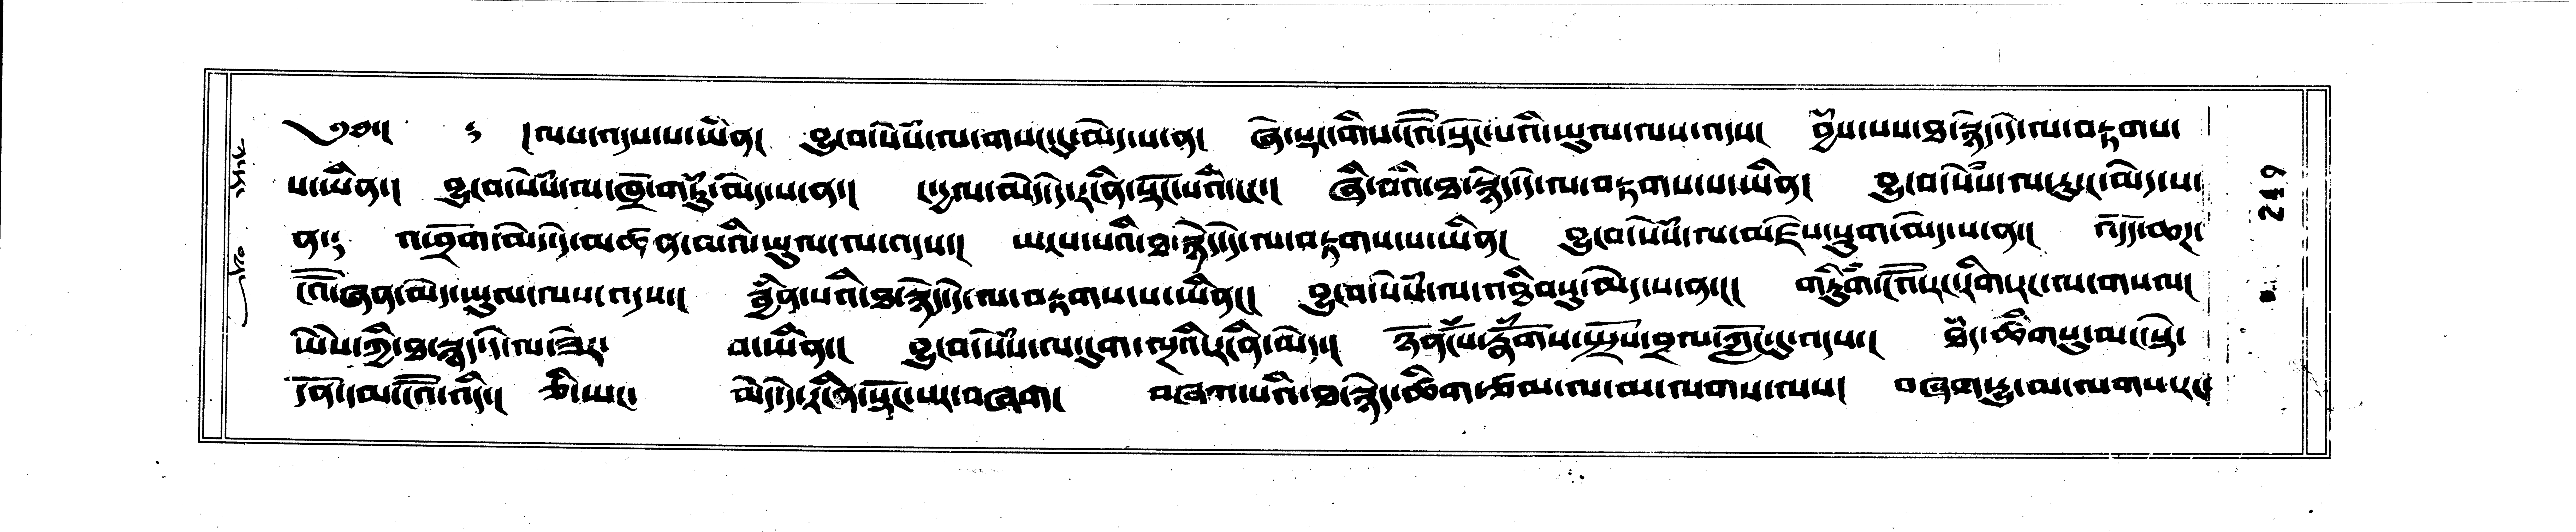ལས་འདས་ཟིན་ཡིན། བྱང་ཆུབ་སེམས་ལ་བསད་དུ་མེད་པས་ན། ཞེ་སྡང་གི་ངོའོ་སྟོང་པའི་ཡུལ་ལས་འདས། བྱམས་པའི་ཐ་སྙད་དེ་ལ་བཏག་
པ་ཡིན། བྱང་ཆུབ་སེམས་ལ་འཁྲོ་གཏུམ་མེད་པས་ན། ང་རྒྱལ་མེད་དེ་རང་བཞིན་སྟོང་པ་ཡིན། ཞི་བའི་ཐ་སྙད་དེ་ལ་བཏགས་པ་ཡིན། བྱང་ཆུབ་སེམས་ལ་རུ་ང་མེད་པས་
ན། འཕྲག་དོག་མེད་དེ་མཚན་མའི་ཡུལ་ལས་འདས། ཡངས་པའི་ཐ་སྙད་དེ་ལས་བཏགས་པ་ཡིན། བྱང་ཆུབ་སེམས་ལ་མཛེས་སྡུག་མེད་པས་ན། འདོད་ཆགས་གི་
ངོའོ་ཞེན་མེད་ཡུལ་ལས་འདས། སྦྱིན་པའི་ཐ་སྙད་དེ་ལ་བཏགས་པ་ཡིན། བྱང་ཆུབ་སེམས་ལ་འཐིབས་སུ་མེད་པས་ན། གཏི་མུག་གི་ངོའོ་རང་རིག་རང་ལ་གསལ།
 ཡེ་ཤེས་ཀྱི་ཐ་སྙད་དེ་ལ་ཟེར་བ་ཡིན། བྱང་ཆུབ་སེམས་ལ་དུག་ལྔའི་རང་བཞིན་མེད། ཉོན་མོངས་རྣམ་རྟོག་སྤྲོས་བྲལ་ཀློང་དུ་འདས། ཐམས་ཅད་ཚིགས་སུ་མང་སྟེ་
དོན་དམ་ངོའོ་འདི། ཅི་ཡང་མེད་དེ་རང་བཞིན་སྟོང་པར་ཞོག བཞགས་པའི་ཐ་སྙད་ཚིག་ཙམ་མ་ལགས་པའི། བཞག་རྒྱུ་མ་ཡིན་རང་